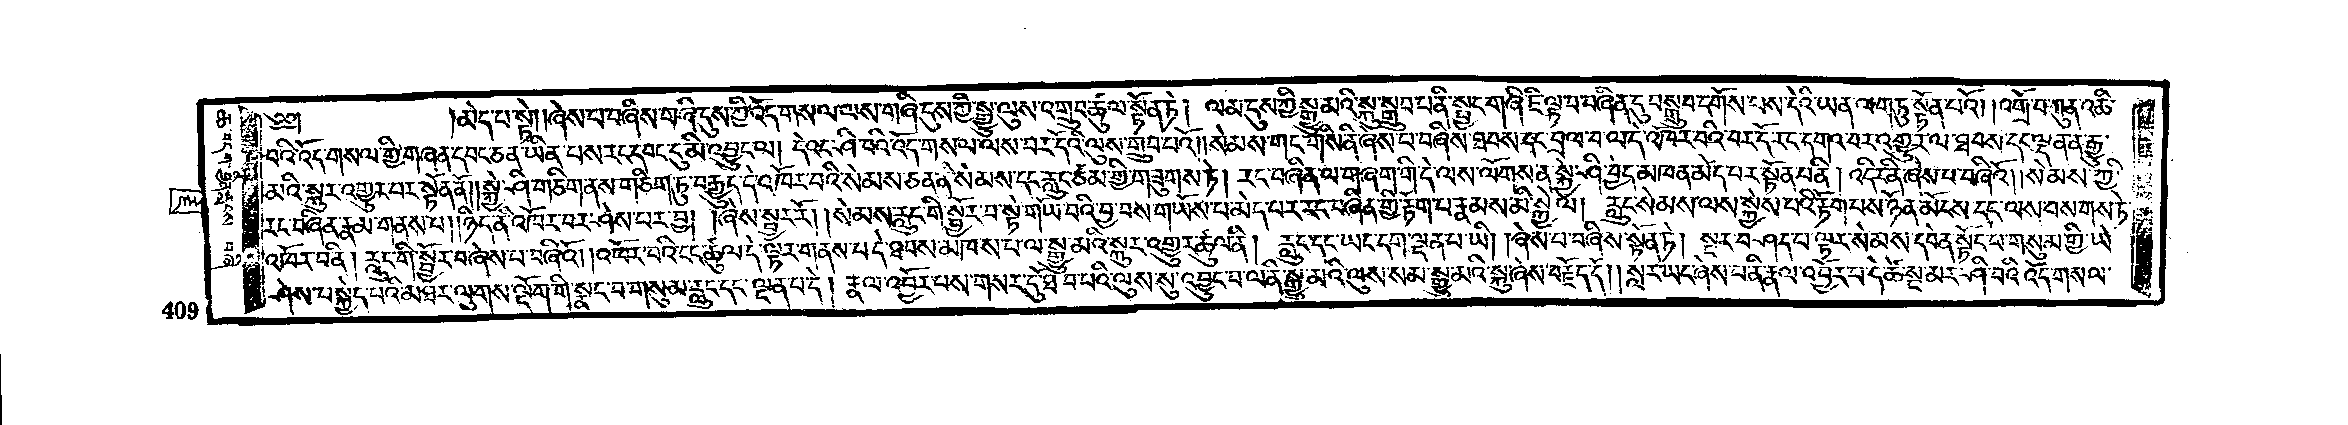༄༅། །མེད་པ་སྟེ། །ཞེས་པ་བཞིས་གཞི་དུས་ཀྱི་འོད་གསལ་ལས་གཞི་དུས་ཀྱི་སྒྱུ་ལུས་འགྲུབ་ཚུལ་སྟོན་ཏེ། ལམ་དུས་ཀྱི་སྒྱུ་མའི་སྐུ་སྒྲུབ་པ་ནི་སྦྱང་གཞི་ཇི་ལྟ་བ་བཞིན་དུ་བསྒྲུབ་དགོས་པས་དེའི་ཡན་ལག་ཏུ་སྟོན་པའོ། །འགྲོ་བ་ཀུན་འཆི་
བའི་འོད་གསལ་གྱི་གཞན་དབང་ཅན་ཡིན་པས་རང་དབང་དུ་མི་འབྱུང་ལ། དེའང་ཤི་བའི་འོད་གསལ་ལས་བར་དོའི་ལུས་གྲུབ་པའོ། །སེམས་གང་གིས་ནི་ཞེས་པ་བཞིས་ཐབས་དང་བྲལ་བ་ལ་དེ་འཁོར་བའི་བར་དོ་རང་དགའ་བར་འགྱུར་ལ་ཐབས་དང་ལྡན་ན་སྒྱུ་
མའི་སྐུར་འགྱུར་བར་སྟོན་ནོ། །སྐྱེ་ཤི་གཅིག་ནས་གཅིག་ཏུ་བརྒྱུད་དེ་འཁོར་བའི་སེམས་ཅན་ནི་སེམས་དང་རླུང་ཙམ་གྱི་གཟུགས་ཏེ། རང་བཞིན་ལ་གཞག་གི་དེ་ལས་ལོགས་ན་སྐྱེ་ཤི་བྱེད་མཁན་མེད་པར་སྟོན་པ་ནི། འདིར་ནི་ཞེས་པ་བཞིའོ། །སེམས་ཀྱི་
རང་བཞིན་རྣམ་གནས་པ། །ཉིད་ནི་འཁོར་བར་ཤེས་པར་བྱ། །ཞེས་སྦྱར་རོ། །སེམས་རླུང་གི་སྦྱོར་བ་སྟེ་གཡོ་བའི་བྱ་བས་གཡོས་པ་མེད་པར་རང་བཞིན་གྱི་རྟོག་པ་རྣམས་མི་སྐྱེ་ལ། རླུང་སེམས་ལས་སྐྱེས་པའི་རྟོག་པས་ཉོན་མོངས་དང་ལས་བསགས་ཏེ་
འཁོར་བ་ནི། རླུང་གི་སྦྱོར་བ་ཞེས་པ་བཞིའོ། །འཁོར་བའི་ངང་ཚུལ་དེ་ལྟར་གནས་པ་དེ་ཐབས་མཁས་པ་ལ་སྒྱུ་མའི་སྐུར་འགྱུར་ཚུལ་ནི། རླུང་དང་ཡང་དག་ལྡན་པ་ཡི། །ཞེས་པ་བཞིས་སྟོན་ཏེ། སྔར་བཤད་པ་ལྟར་སེམས་དབེན་སྟོང་པ་གསུམ་གྱི་ཡེ་
ཤེས་བསྐྱེད་པའི་མཐར་ལུགས་ལྡོག་གི་སྣང་བ་གསུམ་རླུང་དང་ལྡན་པ་དེ། རྣལ་འབྱོར་པས་གསར་དུ་ཐོབ་པའི་ལུས་སུ་འབྱུང་བ་ལ་ནི་སྒྱུ་མའི་ལུས་སམ་སྒྱུ་མའི་སྐུ་ཞེས་བརྗོད་དོ། །སླར་ཡང་ཞེས་པ་ནི་རྣལ་འབྱོར་པ་དེ་ཚེ་སྔ་མར་ཤི་བའི་འོད་གསལ་